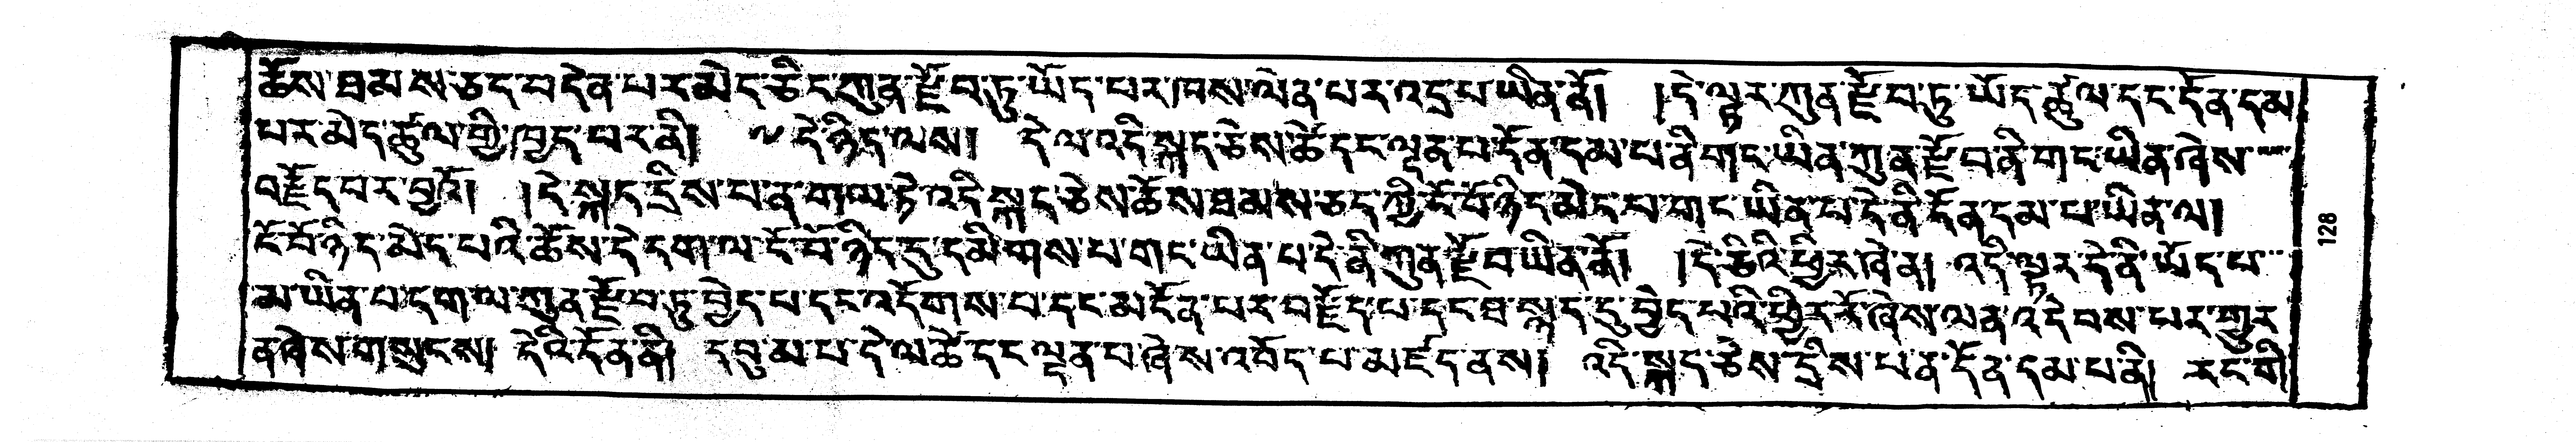ཆོས་ཐམས་ཅད་བདེན་པར་མེད་ཅིང་ཀུན་རྫོབ་ཏུ་ཡོད་པར་ཁས་ལེན་པར་འདྲ་པ་ཡིན་ནོ། །དེ་ལྟར་ཀུན་རྫོབ་ཏུ་ཡོད་ཚུལ་དང་དོན་དམ་
པར་མེད་ཚུལ་གྱི་ཁྱད་པར་ནི། དེ་ཉིད་ལས། དེ་ལ་འདི་སྐད་ཅེས་ཚེ་དང་ལྡན་པ་དོན་དམ་པ་ནི་གང་ཡིན་ཀུན་རྫོབ་ནི་གང་ཡིན་ཞེས་
བརྗོད་པར་བྱའོ། །དེ་སྐད་དྲིས་པ་ན་གལ་ཏེ་འདི་སྐད་ཅེས་ཆོས་ཐམས་ཅད་ཀྱི་ངོ་བོ་ཉིད་མེད་པ་གང་ཡིན་པ་དེ་ནི་དོན་དམ་པ་ཡིན་ལ།
ངོ་བོ་ཉིད་མེད་པའི་ཆོས་དེ་དག་ལ་ངོ་བོ་ཉིད་དུ་དམིགས་པ་གང་ཡིན་པ་དེ་ནི་ཀུན་རྫོབ་ཡིན་ནོ། །དེ་ཅིའི་ཕྱིར་ཞེ་ན། འདི་ལྟར་དེ་ནི་ཡོད་པ་
མ་ཡིན་པ་དག་ལ་ཀུན་རྫོབ་ཏུ་བྱེད་པ་དང་འདོགས་པ་དང་མངོན་པར་བརྗོད་པ་དང་ཐ་སྙད་དུ་བྱེད་པའི་ཕྱིར་རོ་ཞེས་ལན་འདེབས་པར་གྱུར་
ན་ཞེས་གསུངས། དེའི་དོན་ནི། དབུ་མ་པ་དེ་ལ་ཚེ་དང་ལྡན་པ་ཞེས་འབོད་པ་མཛད་ནས། འདི་སྐད་ཅེས་དྲིས་པ་ན་དོན་དམ་པ་ནི། རང་གི་